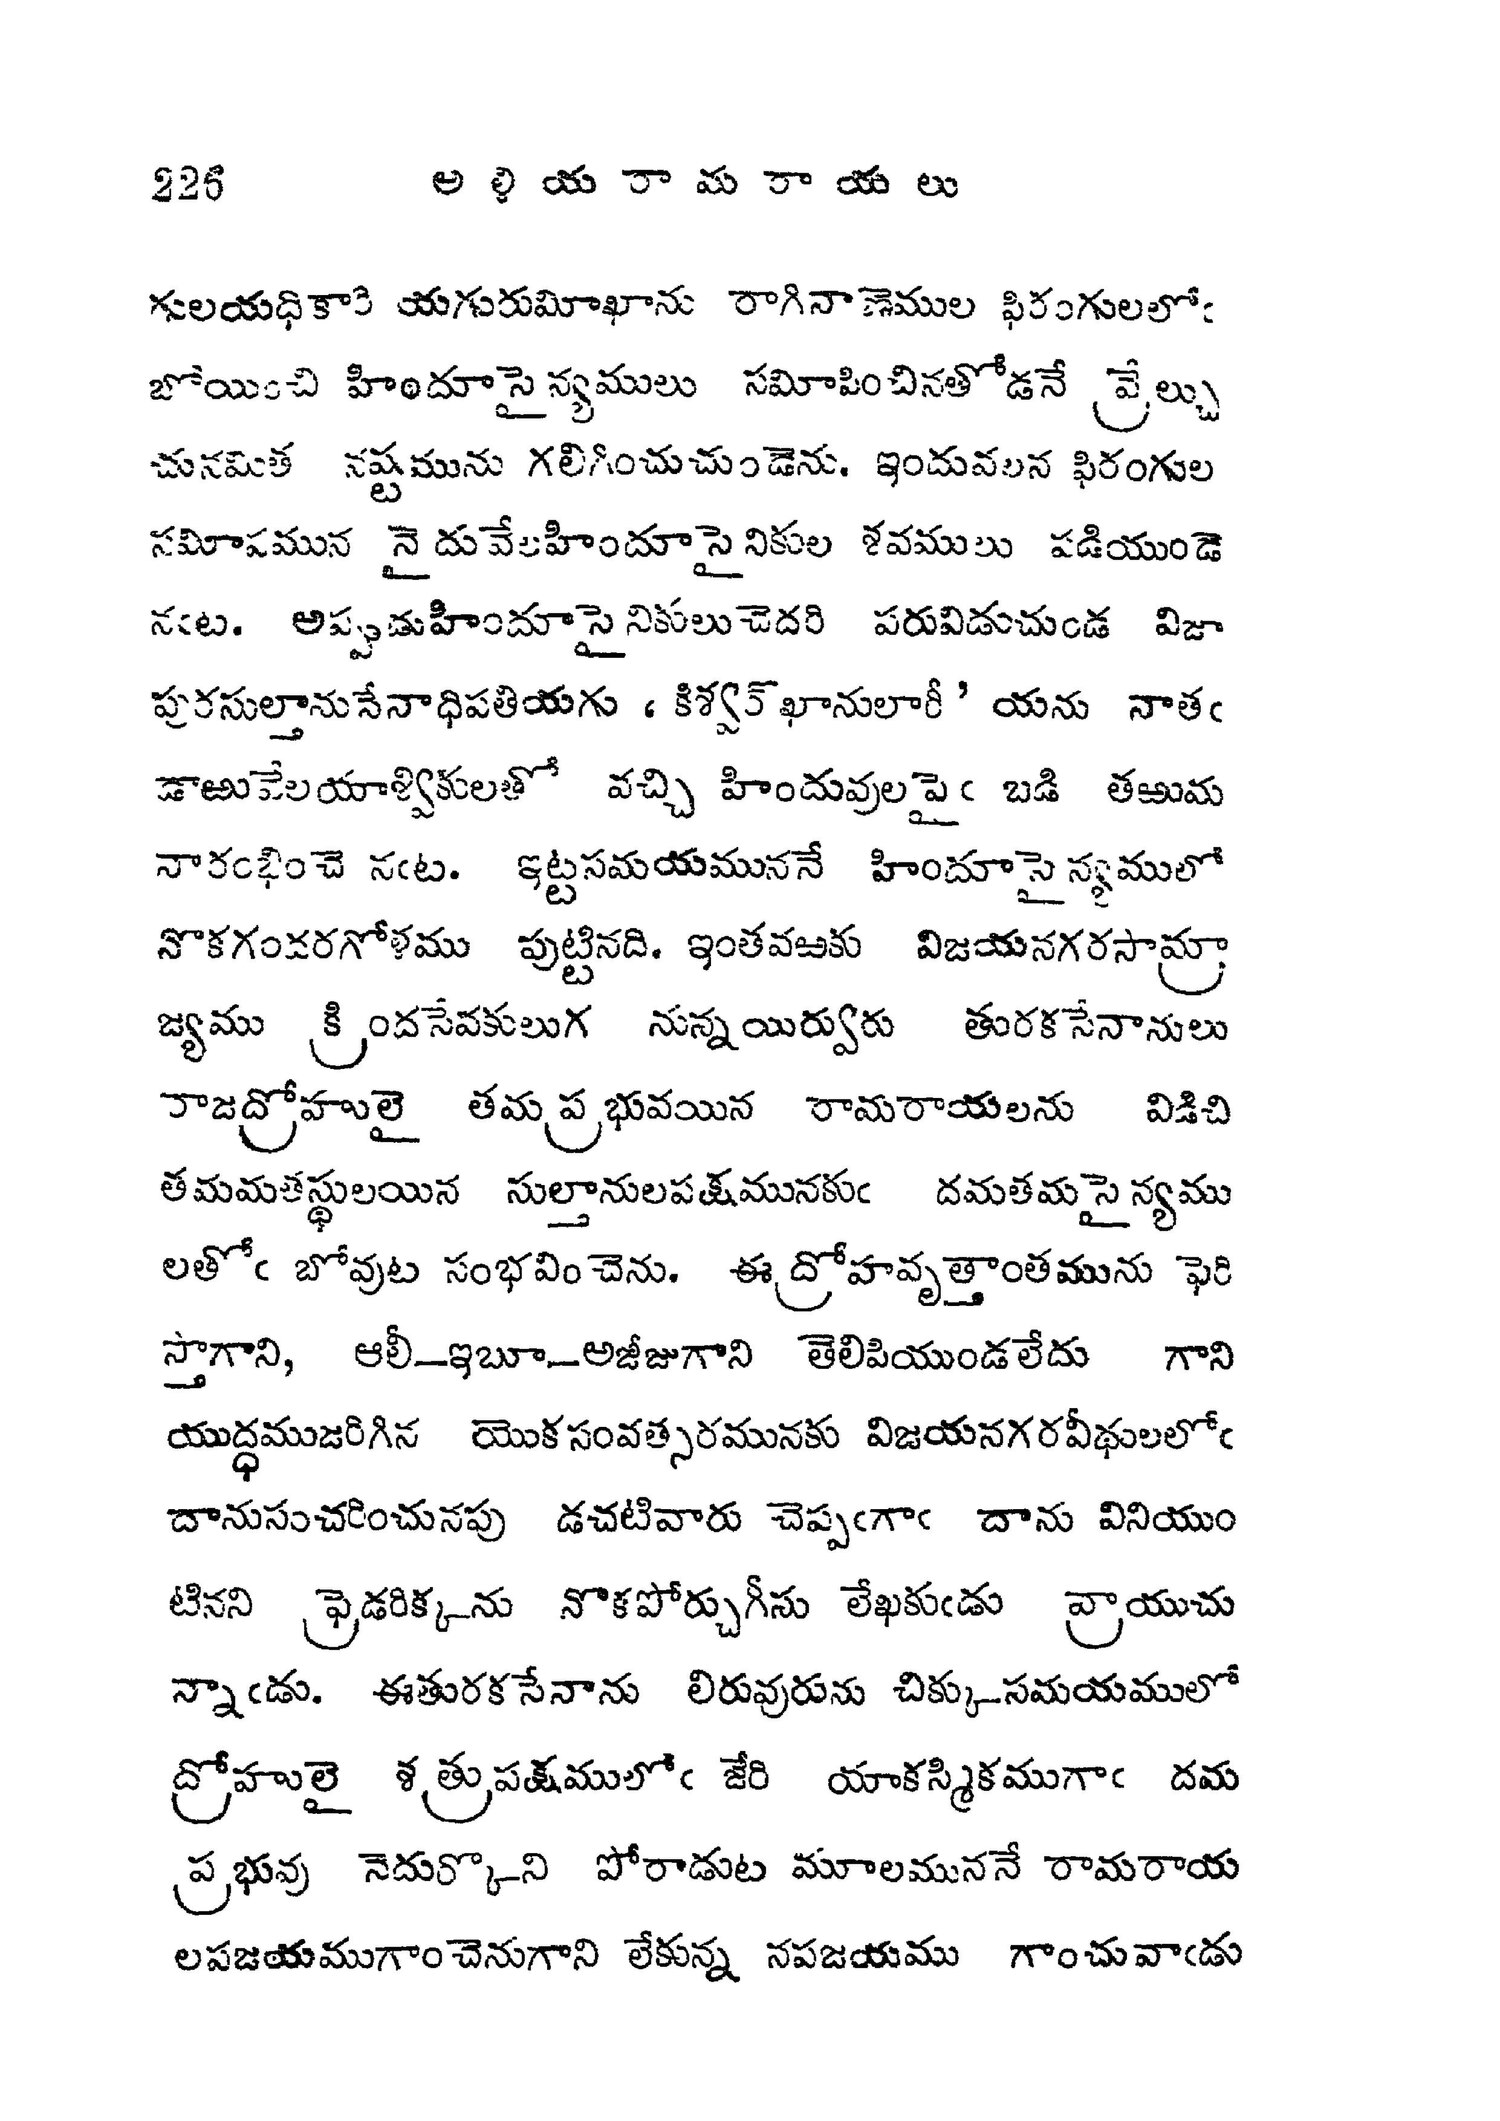గులయధికారి యగు రుమీఖాను రాగినాణెముల ఫిరంగులలో బోయించి హిందూసైన్యములు సమీపించినతోడనే ప్రేల్చుచునమిత నష్టమును గలిగించుచుండెను. ఇందువలన ఫిరంగుల సమీపమున నైదువేలహిందూసైనికుల శవములు పడియుండె నట. అప్పుడుహిందూసైనికులుచెదరి పరువిడుచుండ విజాపురసుల్తాను సేనాధిపతియగు 'కిశ్వర్‌ఖానులారీ' యను నాతడాఱువేల యాశ్వికులతో వచ్చి హిందువులపై బడి తఱుమనారంభించె నట. ఇట్టిసమయముననే హిందూసైన్యములో నొకగందరగోళము పుట్టినది. ఇంతవఱకు విజయనగరసామ్రాజ్యము క్రిందసేవకులుగ నున్నయిర్వురు తురకసేనానులు రాజద్రోహులై తమప్రభువయిన రామరాయలను విడిచి తమమతస్థులయిన సుల్తానులపక్షమునకు దమతమసైన్యములతో బోవుట సంభవించెను. ఈద్రోహవృత్తాంతమును ఫెరిస్తాగాని, ఆలీ - ఇబూ - అజీజుగాని తెలిపియుండలేదు గాని యుద్ధముజరిగిన యొకసంవత్సరమునకు విజయనగరవీథులలో దానుసంచరించునపు డచటివారు చెప్పగా దాను వినియుంటినని ఫ్రెడరిక్కను నొకపోర్చుగీసు లేఖకుడు వ్రాయుచున్నాడు. ఈతురకసేనాను లిరువురును చిక్కుసమయములో ద్రోహులై శత్రుపక్షములో జేరి యాకస్మికముగా దమప్రభువు నెదుర్కొని పోరాడుట మూలముననే రామరాయలపజయము గాంచెనుగాని లేకున్న నపజయము గాంచువాడు